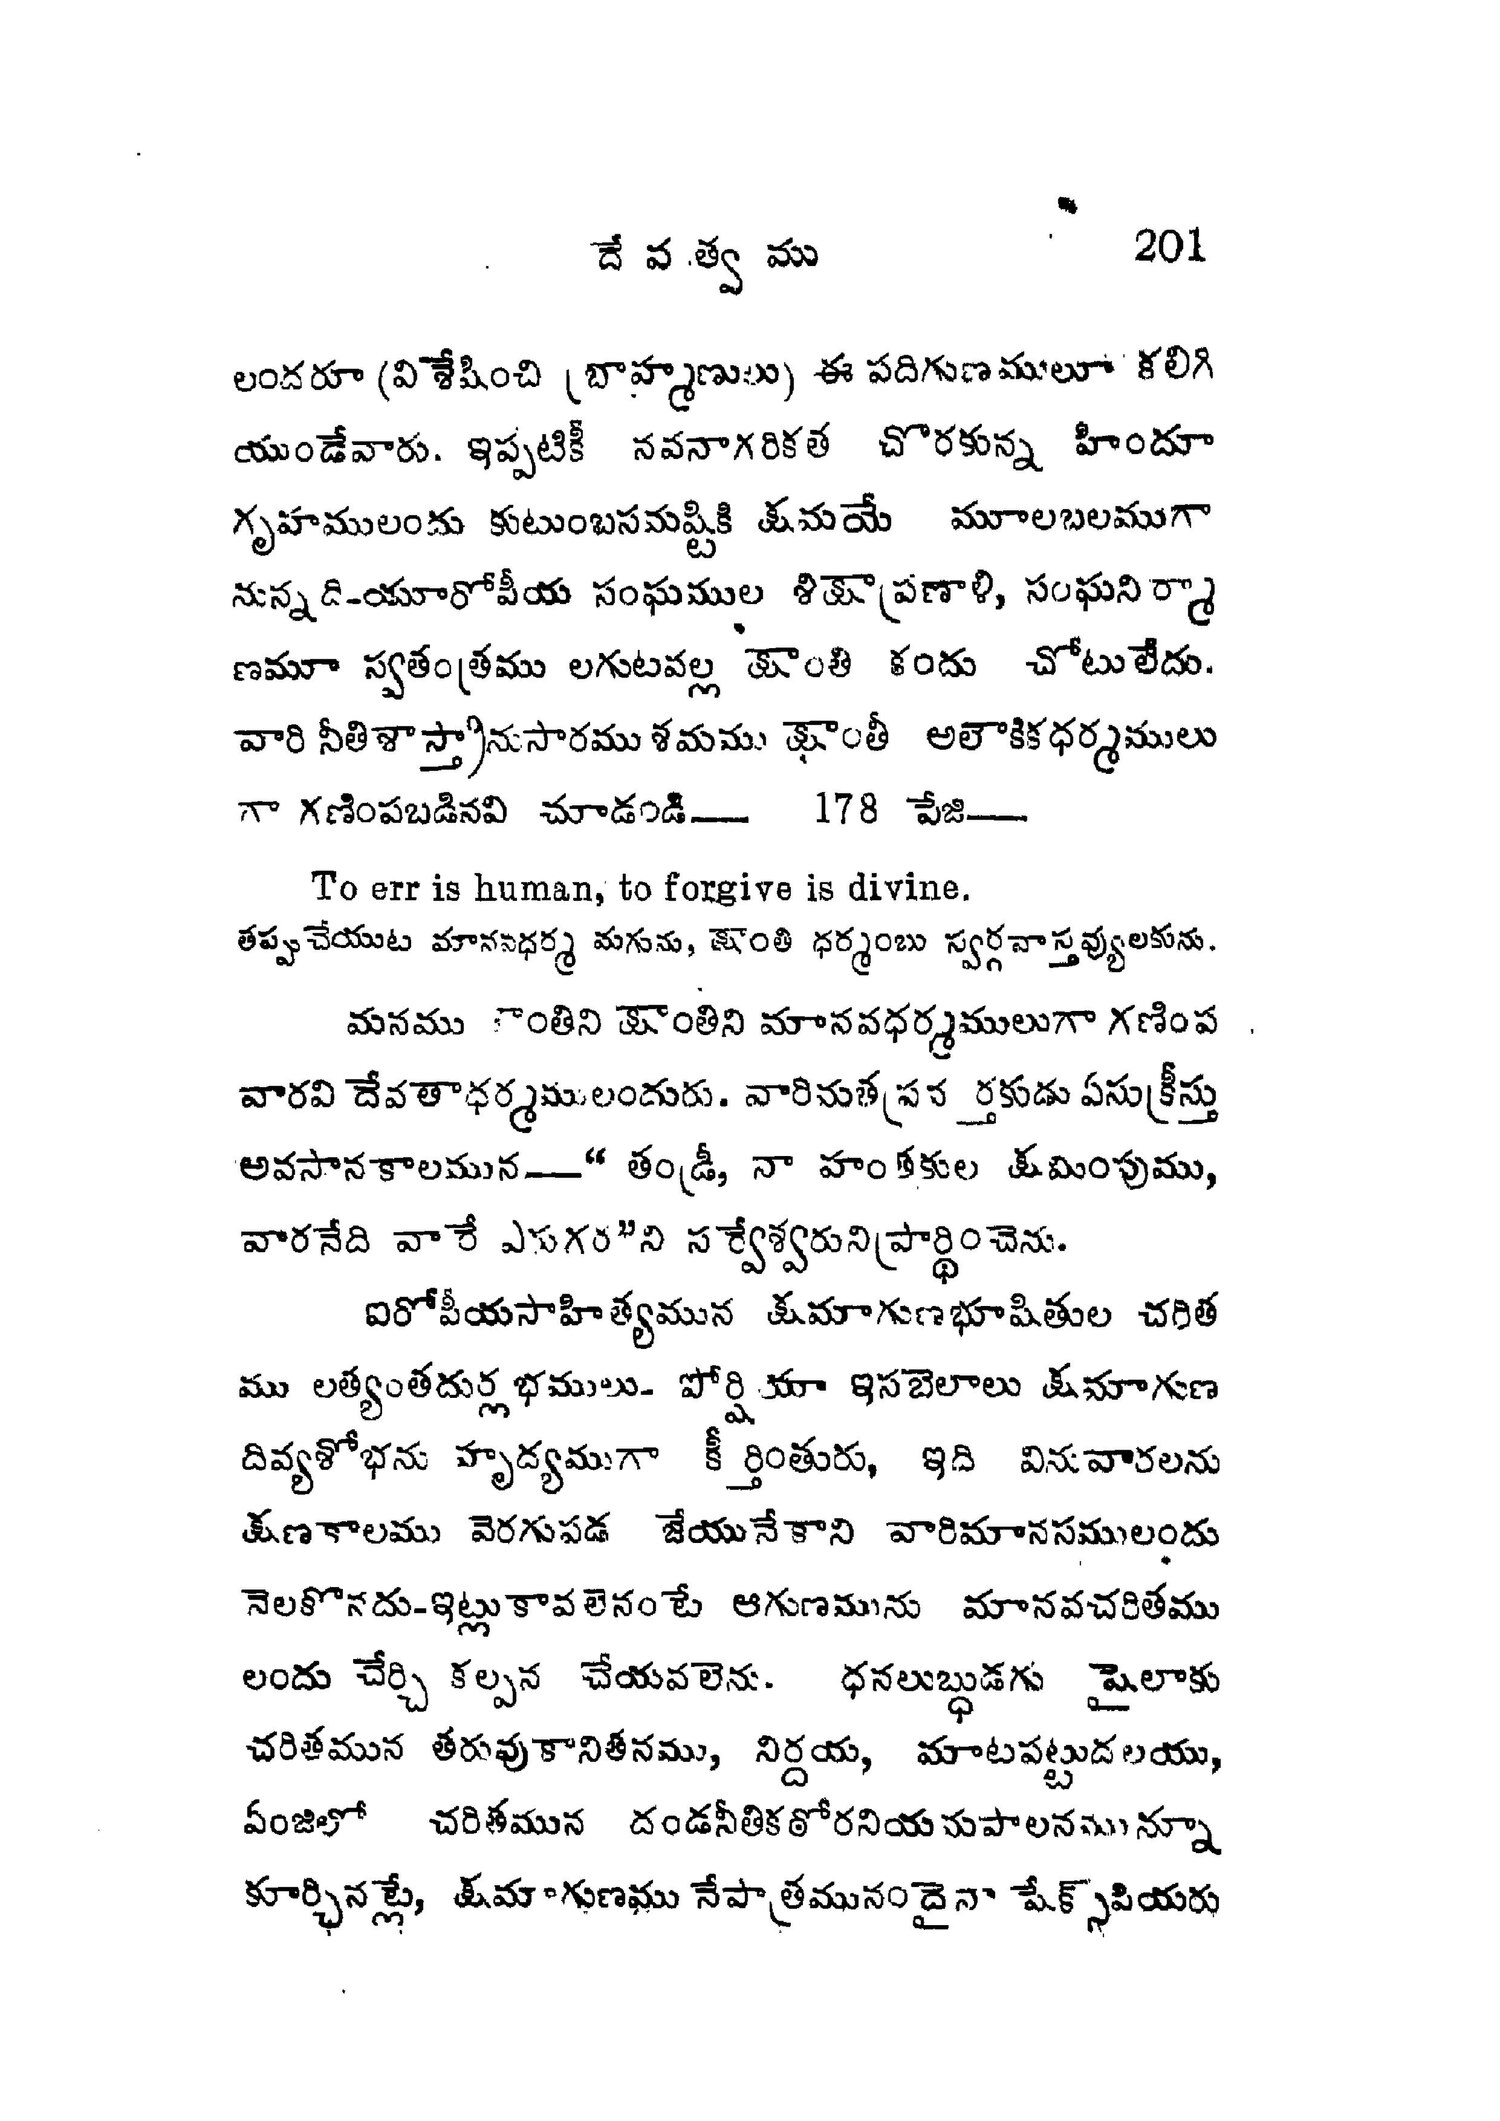లందరూ (విశేషించి బ్రాహ్మణులు) ఈ పదిగుణములూ కలిగి యుండేవారు. ఇప్పటికీ నవనాగరికత చొరకున్న హిందూ గృహములందు కుటుంబసమష్టికి క్షమయే మూలబలముగా నున్నది - యూరోపీయ సంఘముల శిక్షాప్రణాళి, సంఘనిర్మాణమూ స్వతంత్రము లగుటపట్ల క్షాంతి కందు చోటులేదు. వారి నీతిశాస్త్రానుసారము శమము క్షాంతీ అలౌకికధర్మములు గా గణింపబడినవి చూడండి - 178 పేజి -

 To err is human, to forgive is divine
 తప్పుచేయుట మానవధర్మ మగును, క్షాంతి ధర్మంబు స్వర్గవాస్తవ్యులకును.

మనము శాంతిని క్షాంతిని మానవధర్మములుగా గణింప వారవి దేవతాధర్మములందురు. వారిమతప్రవర్తకుడు ఏసుక్రీస్తు అవసానకాలమున - "తండ్రీ, నా హంతకుల క్షమింపుము, వారనేది వారే ఎరుగర"ని సర్వేశ్వరుని ప్రార్థించెను.

ఐరోపీయసాహిత్యమున క్షమాగుణభూషితుల చరితము లత్యంతదుర్లభములు - పోర్షియా ఇసబెలాలు క్షమాగుణ దివ్యశోభను హృద్యముగా కీర్తింతురు, ఇది వినువారలను క్షణకాలము వెరగుపడ జేయునేకాని వారిమానసములందు నెలకొనదు - ఇట్లు కావలెనంటే ఆగుణమును మానవచరితములందు చేర్చి కల్పన చేయవలెను. ధనలుబ్ధుడగు షైలాకు చరితమున తరువుకానితనము, నిర్దయ, మాటపట్టుదలయు, ఏంజిలో చరితమున దండనీతికఠోరనియమ పాలనమున్నూ కూర్ఛినట్లే, క్షమాగుణము నేపాత్రమునందైనా షేక్స్‌పియరు